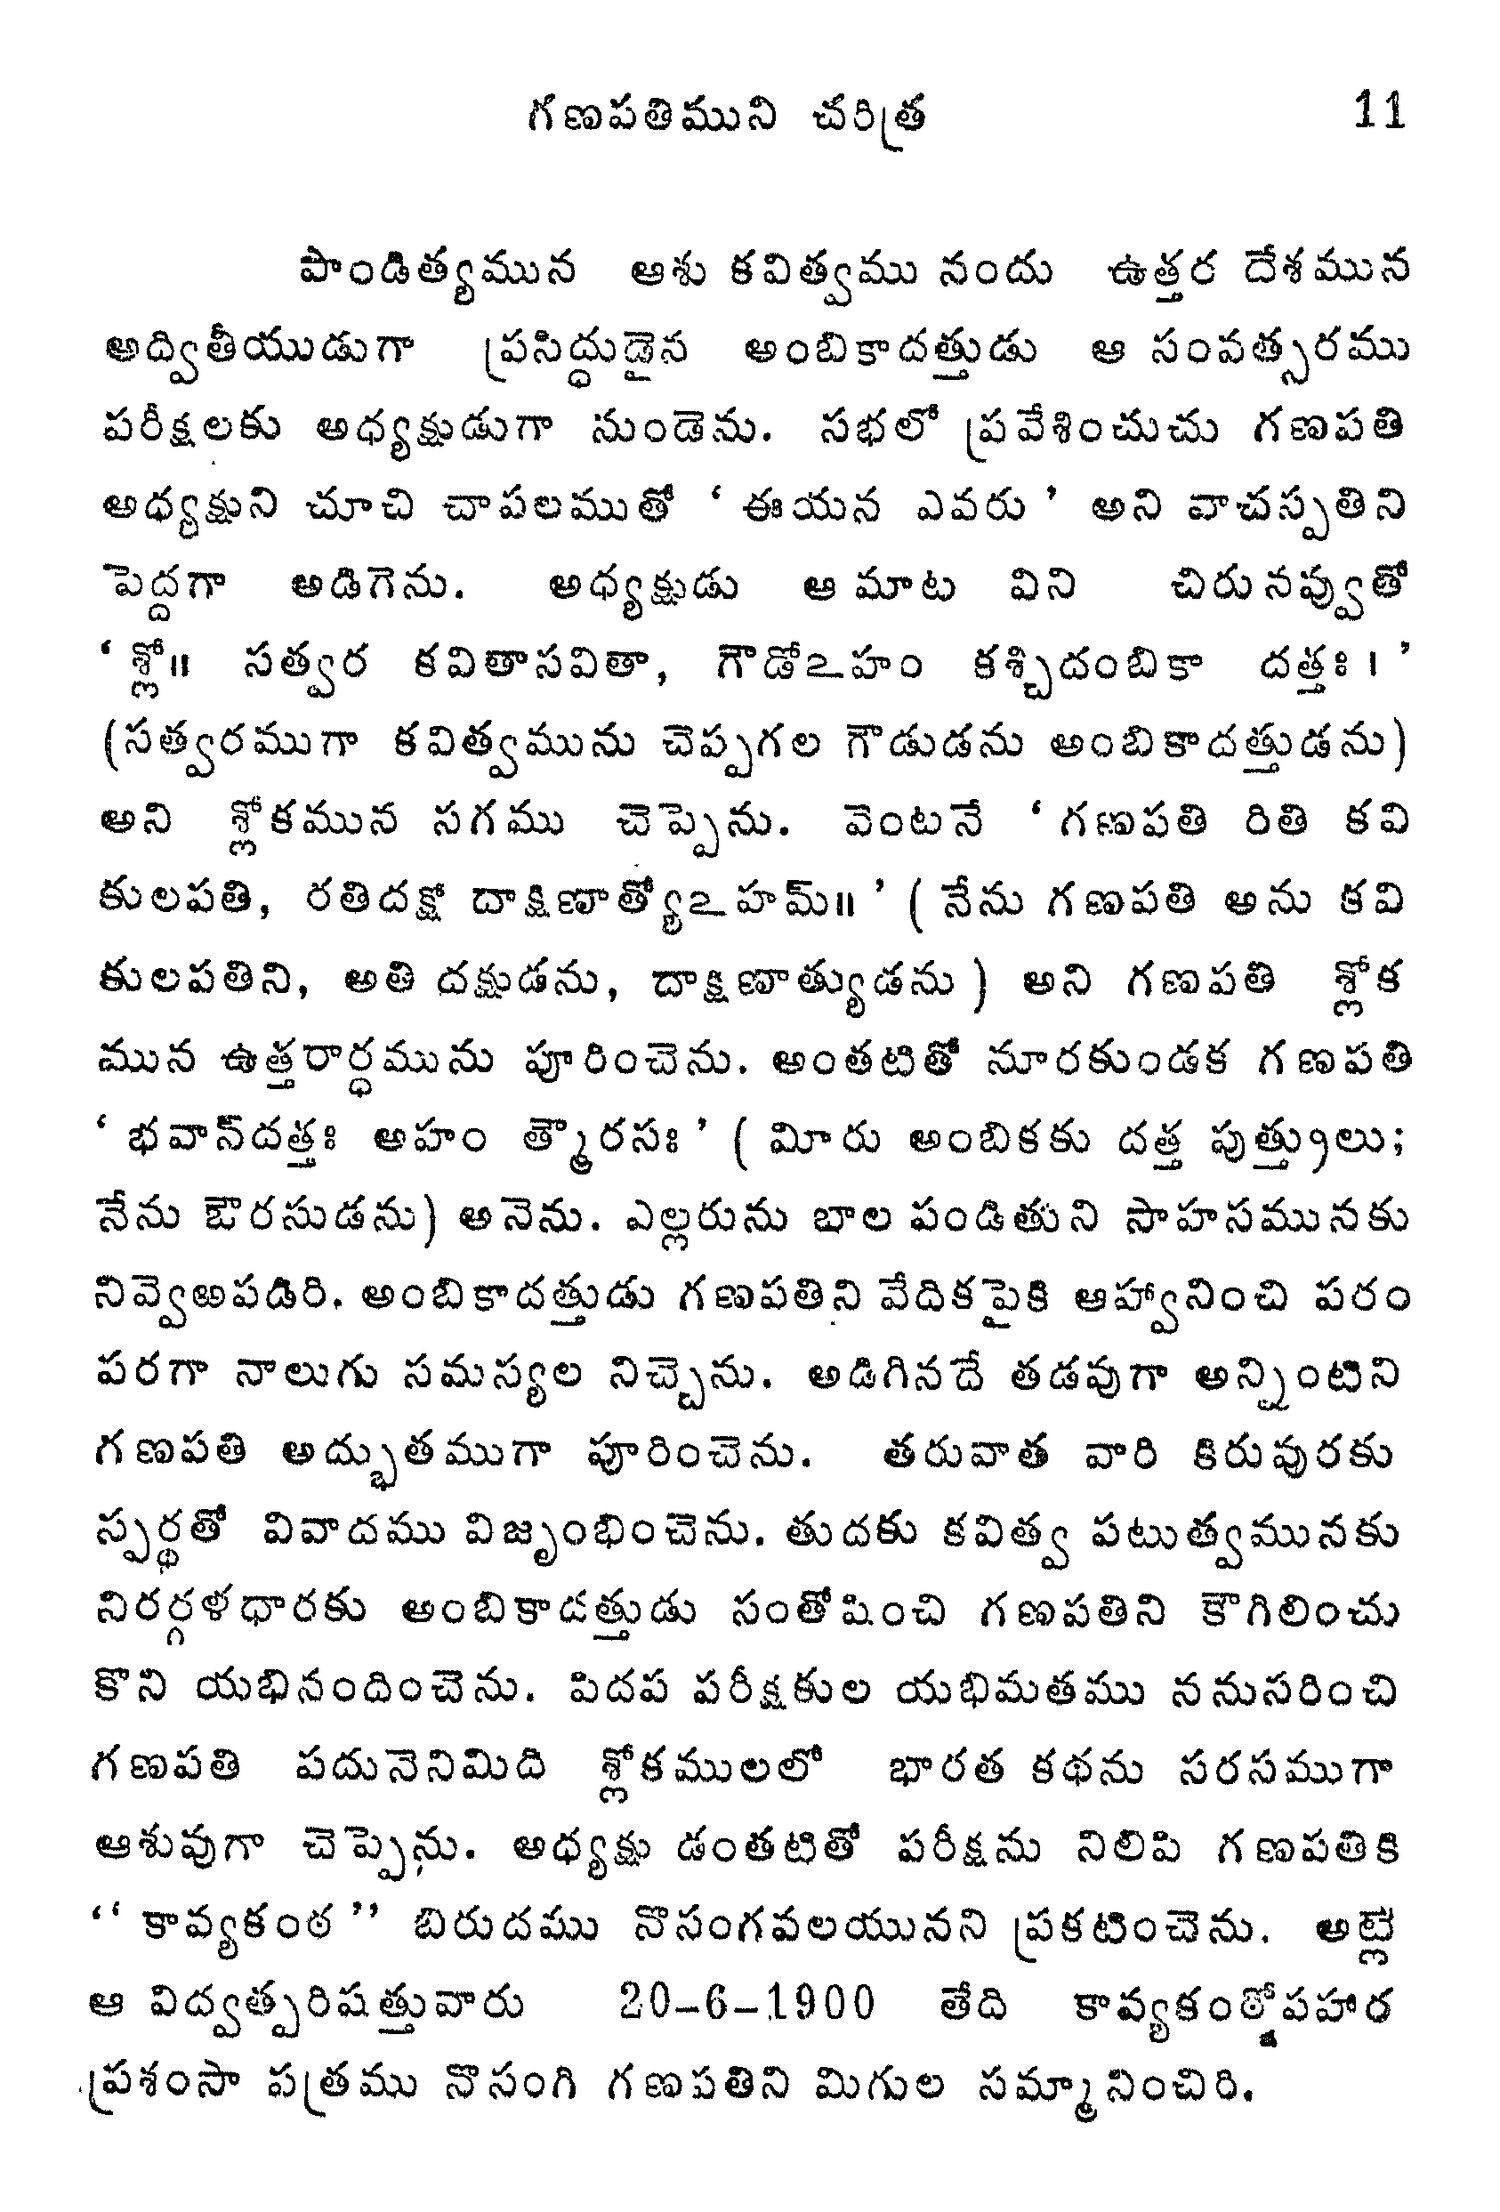పాండిత్యమున ఆశు కవిత్వము నందు ఉత్తర దేశమున అద్వితీయుడుగా ప్రసిద్దుడైన అంబికాదత్తుడు అ సంవత్సరము పరీక్షలకు అధ్యక్షుడుగా నుండెను. సభలో ప్రవేశించుచు గణపతి అధ్యక్షుని చూచి చాపలముతో 'ఈయన ఎవరు' అని వాచస్పతిని పెద్దగా అడిగెను. అధ్యక్షుడు ఆ మాట విని చిరునవ్వుతో 'శ్లో|| సత్వర కవితాసవితా, గౌడోహం కశ్చిదంబికా దత్త:|' (సత్వరముగా కవిత్వమును చెప్పగల గౌడుడను అంబికాదత్తుడను) అని శ్లోకమున సగము చెప్పెను. వెంటనే 'గణపతి రితి కవి కులపతి, రతిదక్షో దాక్షిణాత్యోహమ్||' (నేను గణపతి అను కవి కులపతిని, అతి దక్షుడను, దాక్షిణాత్యుడను) అని గణపతి శ్లోకమున ఉత్తరార్ధమును పూరించెను. అంతటితో నూరకుండక గణపతి 'భవాన్‌దత్త: అహం త్మౌరస:' (మీరు అంబికకు దత్త పుత్రులు; నేను ఔరసుడను) అనెను. ఎల్లరును బాల పండితుని సాహసమునకు నివ్వెఱపడిరి. అంబికాదత్తుడు గణపతిని వేదికపైకి ఆహ్వానించి పరంపరగా నాలుగు సమస్యల నిచ్చెను. అడిగినదే తడవుగా అన్నింటిని గణపతి అద్భుతముగా పూరించెను. తరువాత వారి కిరువురకు స్పర్థతో వివాదము విజృంభించెను. తుదకు కవిత్వ పటుత్వమునకు నిరర్గళధారకు అంబికాదత్తుడు సంతోషించి గణపతిని కౌగిలించుకొని యభినందించెను. పిదప పరీక్షకుల యభిమతము ననుసరించి గణపతి పదునెనిమిది శ్లోకములలో భారత కథను సరసముగా ఆశువుగా చెప్పెను. అధ్యక్షు డంతటితో పరీక్షను నిలిపి గణపతికి "కావ్యకంఠ" బిరుదము నొసంగవలయునని ప్రకటించెను. అట్లే ఆ విద్వత్పరిషత్తువారు 20 - 6 - 1900 తేది కావ్యకంఠోపహార ప్రశంసా పత్రము నొసంగి గణపతిని మిగుల సమ్మానించిరి.